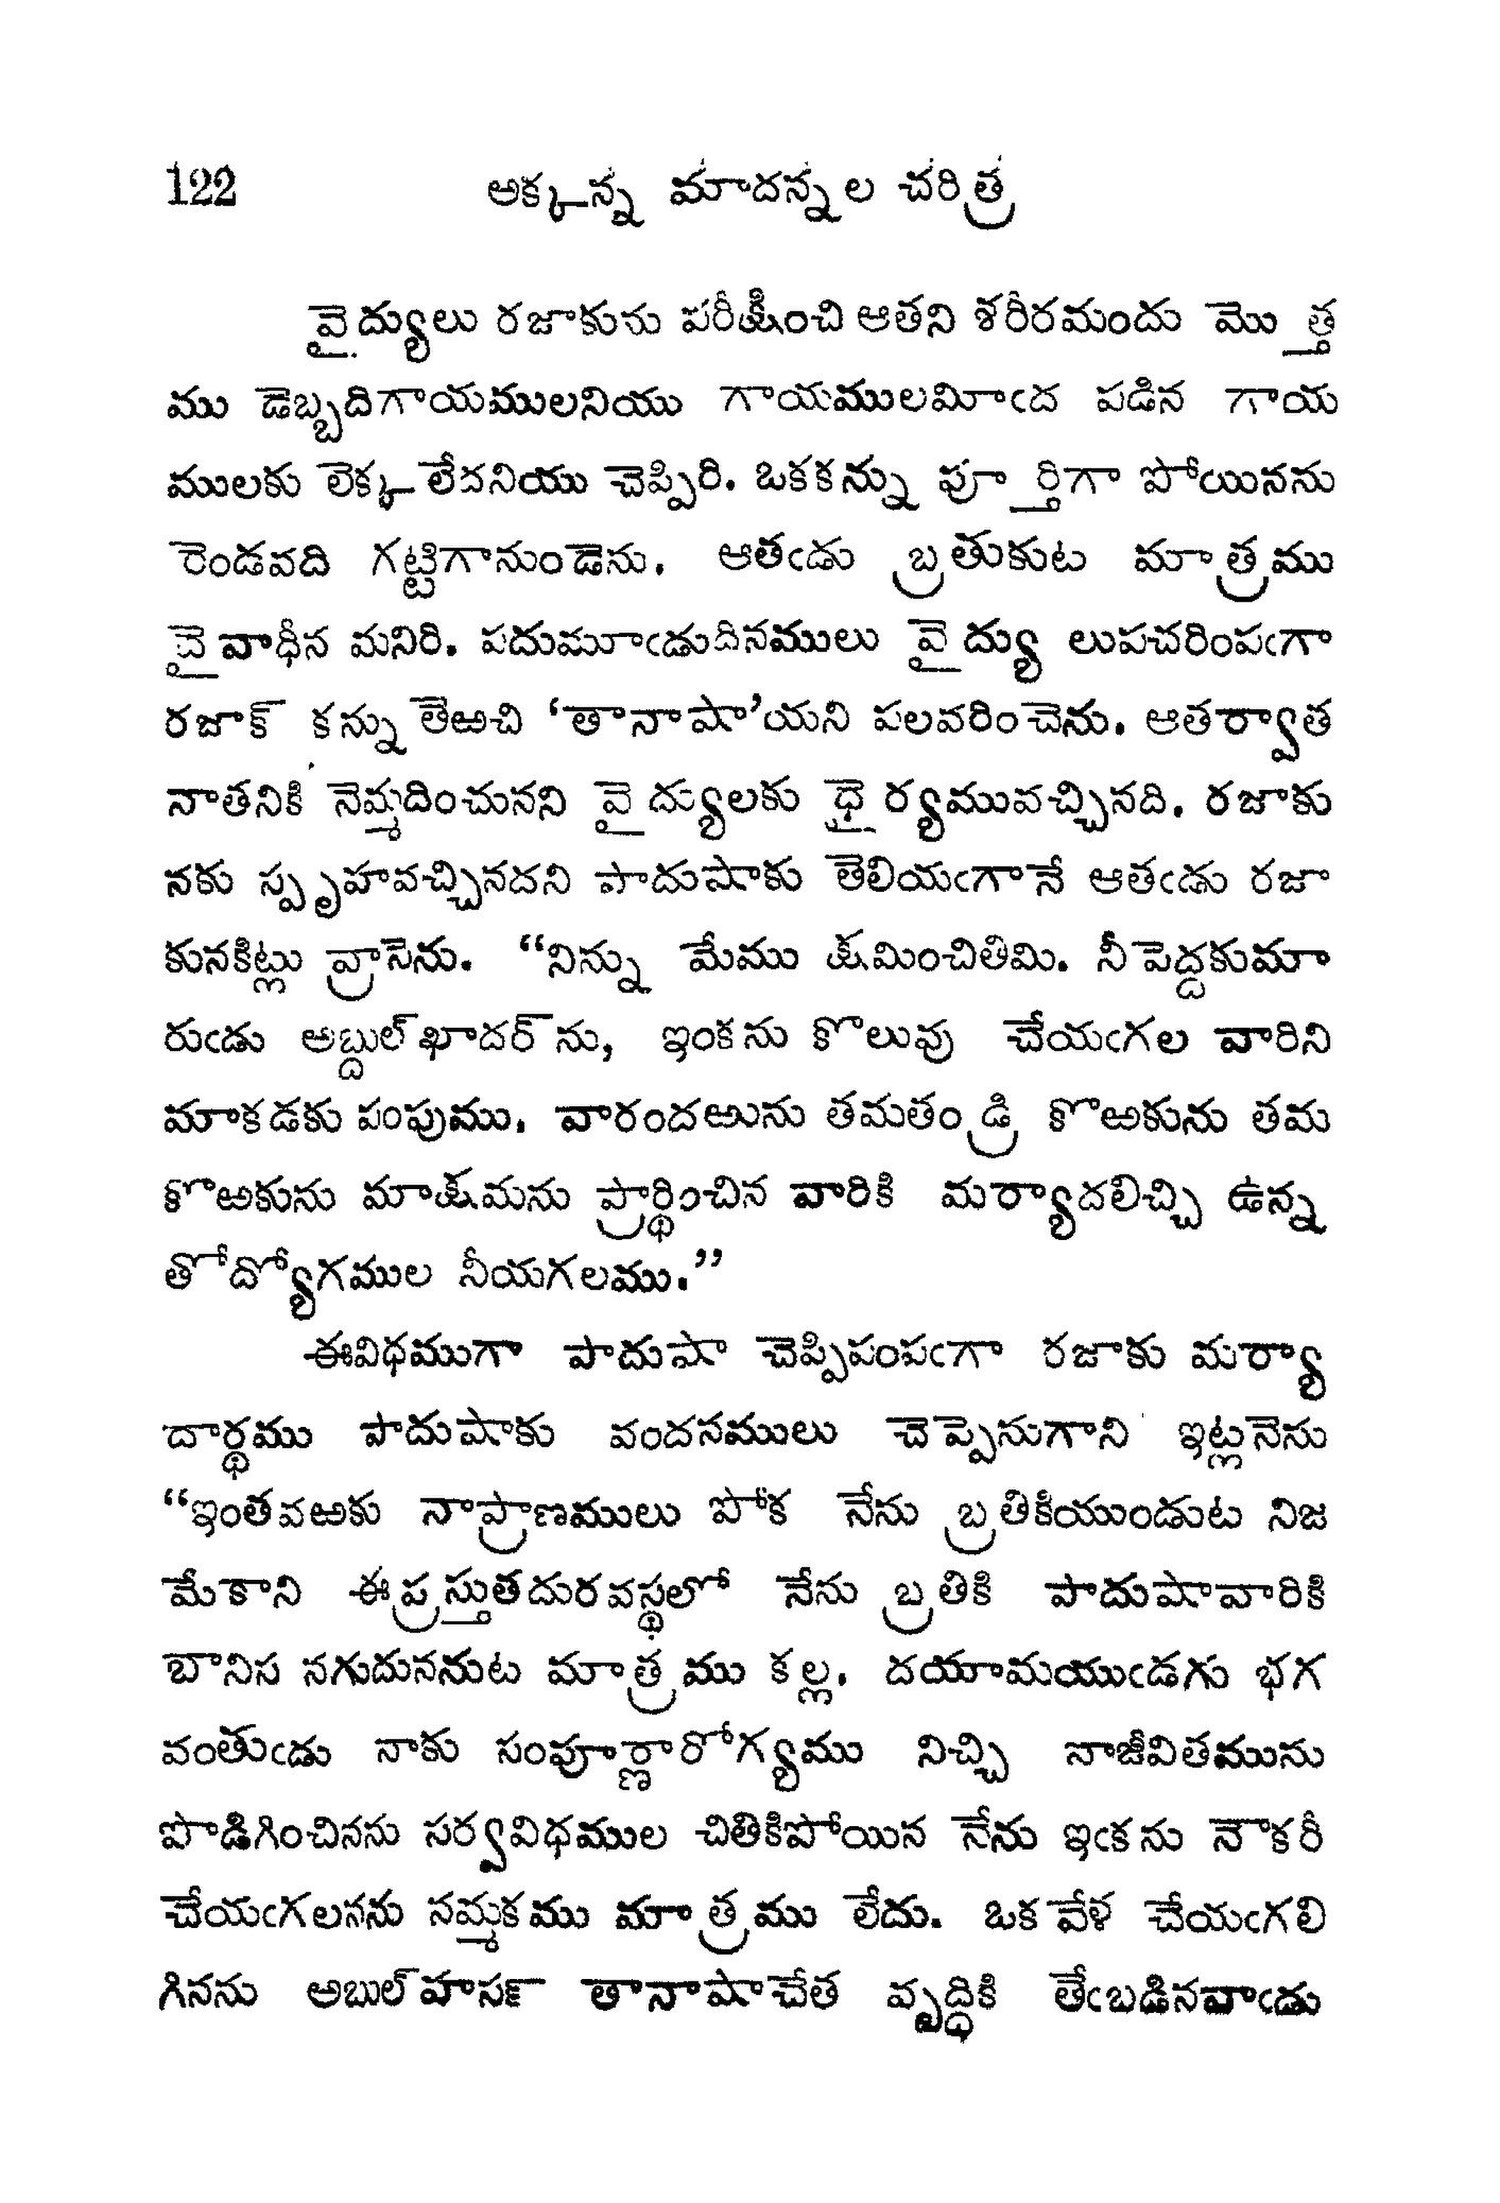వైద్యులు రజాకును పరీక్షించి ఆతని శరీరమందు మొత్తము డెబ్బదిగాయములనియు గాయములమీఁద పడిన గాయములకు లెక్కలేదనియు చెప్పిరి. ఒకకన్ను పూర్తిగా పోయినను రెండవది గట్టిగానుండెను. ఆతఁడు బ్రతుకుట మాత్రము దైవాధీన మనిరి. పదమూఁడుదినములు వైద్యు లుపచరింపఁగా రజాక్ కన్నుతెఱచి ‘తానాషా’యని పలవరించెను. ఆతర్వాత నాతనికి నెమ్మదించునని వైద్యులకు ధైర్యమువచ్చినది. రజాకునకు స్పృహవచ్చినదని పాదుషాకు తెలియఁగానే ఆతఁడు రజాకునకిట్లు వ్రాసెను. “నిన్ను మేము క్షమించితిమి. నీ పెద్దకుమారుఁడు అబ్దుల్‌ఖాదర్‌ను, ఇంకను కొలువు చేయఁగల వారిని మాకడకు పంపుము. వారందఱును తమతండ్రి కొఱకును తమ కొఱకును మాక్షమను ప్రార్థించిన వారికి మర్యాదలిచ్చి ఉన్నతోద్యోగముల నీయగలము.”

ఈవిధముగా పాదుషా చెప్పిపంపఁగా రజాకు మర్యాదార్థము పాదుషాకు వందనములు చెప్పెనుగాని ఇట్లనెను “ఇంతవఱకు నాప్రాణములు పోక నేను బ్రతికియుండుట నిజమేకాని ఈప్రస్తుతదురవస్థలో నేను బ్రతికి పాదుషావారికి బానిస నగుదుననుట మాత్రము కల్ల. దయామయుఁడగు భగవంతుఁడు నాకు సంపూర్ణారోగ్యము నిచ్చి నాజీవితమును పొడిగించినను సర్వవిధముల చితికిపోయిన నేను ఇఁకను నౌకరీ చేయఁగలనను నమ్మకము మాత్రము లేదు. ఒకవేళ చేయఁగలిగినను అబుల్‌హసౝ తానాషాచేత వృద్ధికి తేఁబడినవాఁడు